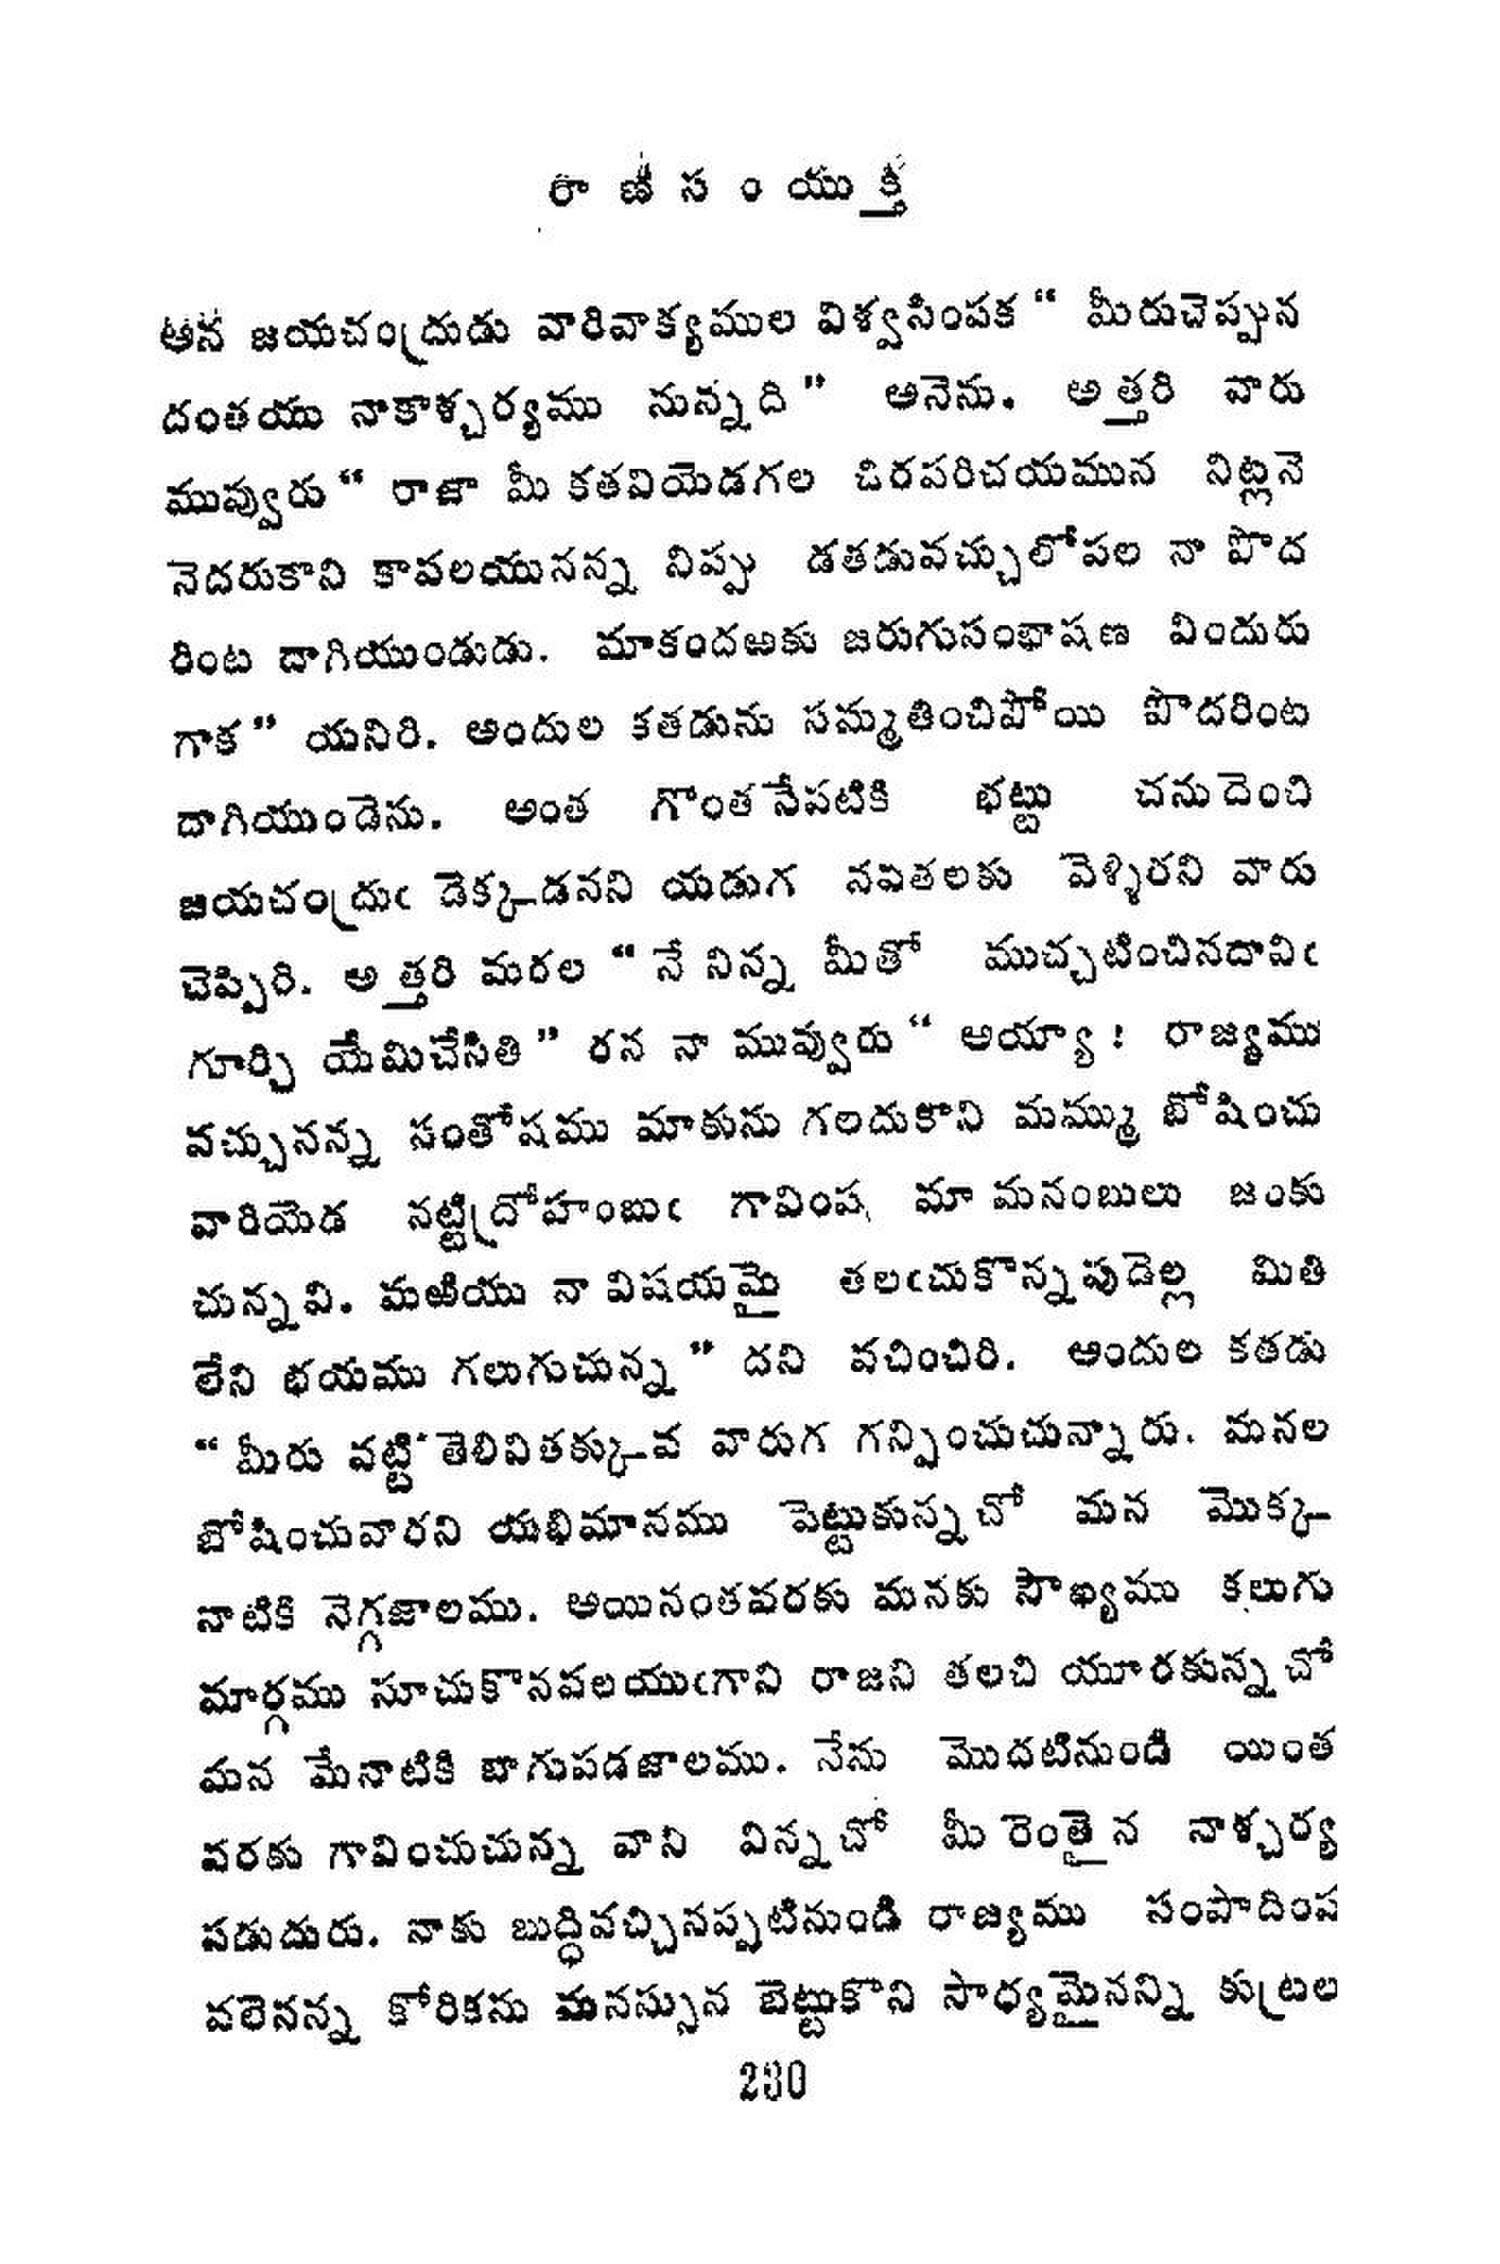అన జయచంద్రుడు వారివాక్యముల విశ్వసింపక “ మీరుచెప్పున దంతయు నాకాశ్చ్యర్యము నున్నది" అనెను. అత్తరి వారు మువ్వురు " రాజా మీ కతనియెడగల చిరపరిచయమున నిట్లనె నెదరుకాని కావలయునన్న నిప్పు డతడువచ్చులోపల నా పొదరింట దాగియుండుడు. మాకందఱకు జరుగుసంభాషణ విందురు గాక" యనిరి. అందుల కతడును సమ్మతించిపోయి పొదరింట దాగియుండెను. అంత గొంతసేపటికి భట్టు చనుదెంచి జయచంద్రుఁ డెక్కడనని యడుగ నవతలకు వెళ్ళిరని వారు చెప్పిరి. అత్తరి మరల " నే నిన్న మీతో ముచ్చటించినదానిఁ గూర్చి యేమీచేసితి ” రన నా మువ్వురు " అయ్యా : రాజ్యము వచ్చునన్న సంతోషము మాకును గలదుకాని మమ్ము బోషించు వారియెడ నట్టిద్రోహంబుఁ గావింప. మా మనంబులు జంకుచున్నవి. మఱియు నా విషయమై తలఁచుకొన్నపుడెల్ల మితిలేని భయము గలుగుచున్న "దని వచించిరి. అందుల కతడు "మీరు వట్టి తెలివితక్కువ వారుగ గన్పించుచున్నారు. మనల బోషించువారని యభిమానము పెట్టుకున్న చో మన మొక్క నాటికి నెగ్గజాలము. అయినంతవరకు మనకు సౌఖ్యము కలుగు మార్గము సూచుకొనవలయుఁగాని రాజని తలచి యూరకున్నచో మన మేనాటికి బాగుపడజాలము. నేను మొదటినుండి యింతవరకు గావించుచున్న వాని విన్నచో మీ రెంతైన నాశ్చర్య పడుదురు. నాకు బుద్దివచ్చినప్పటినుండి రాజ్యము సంపాదింప వలెనన్న కోరికను మనస్సున బెట్టుకొని సాధ్యమైనన్ని కుట్రల